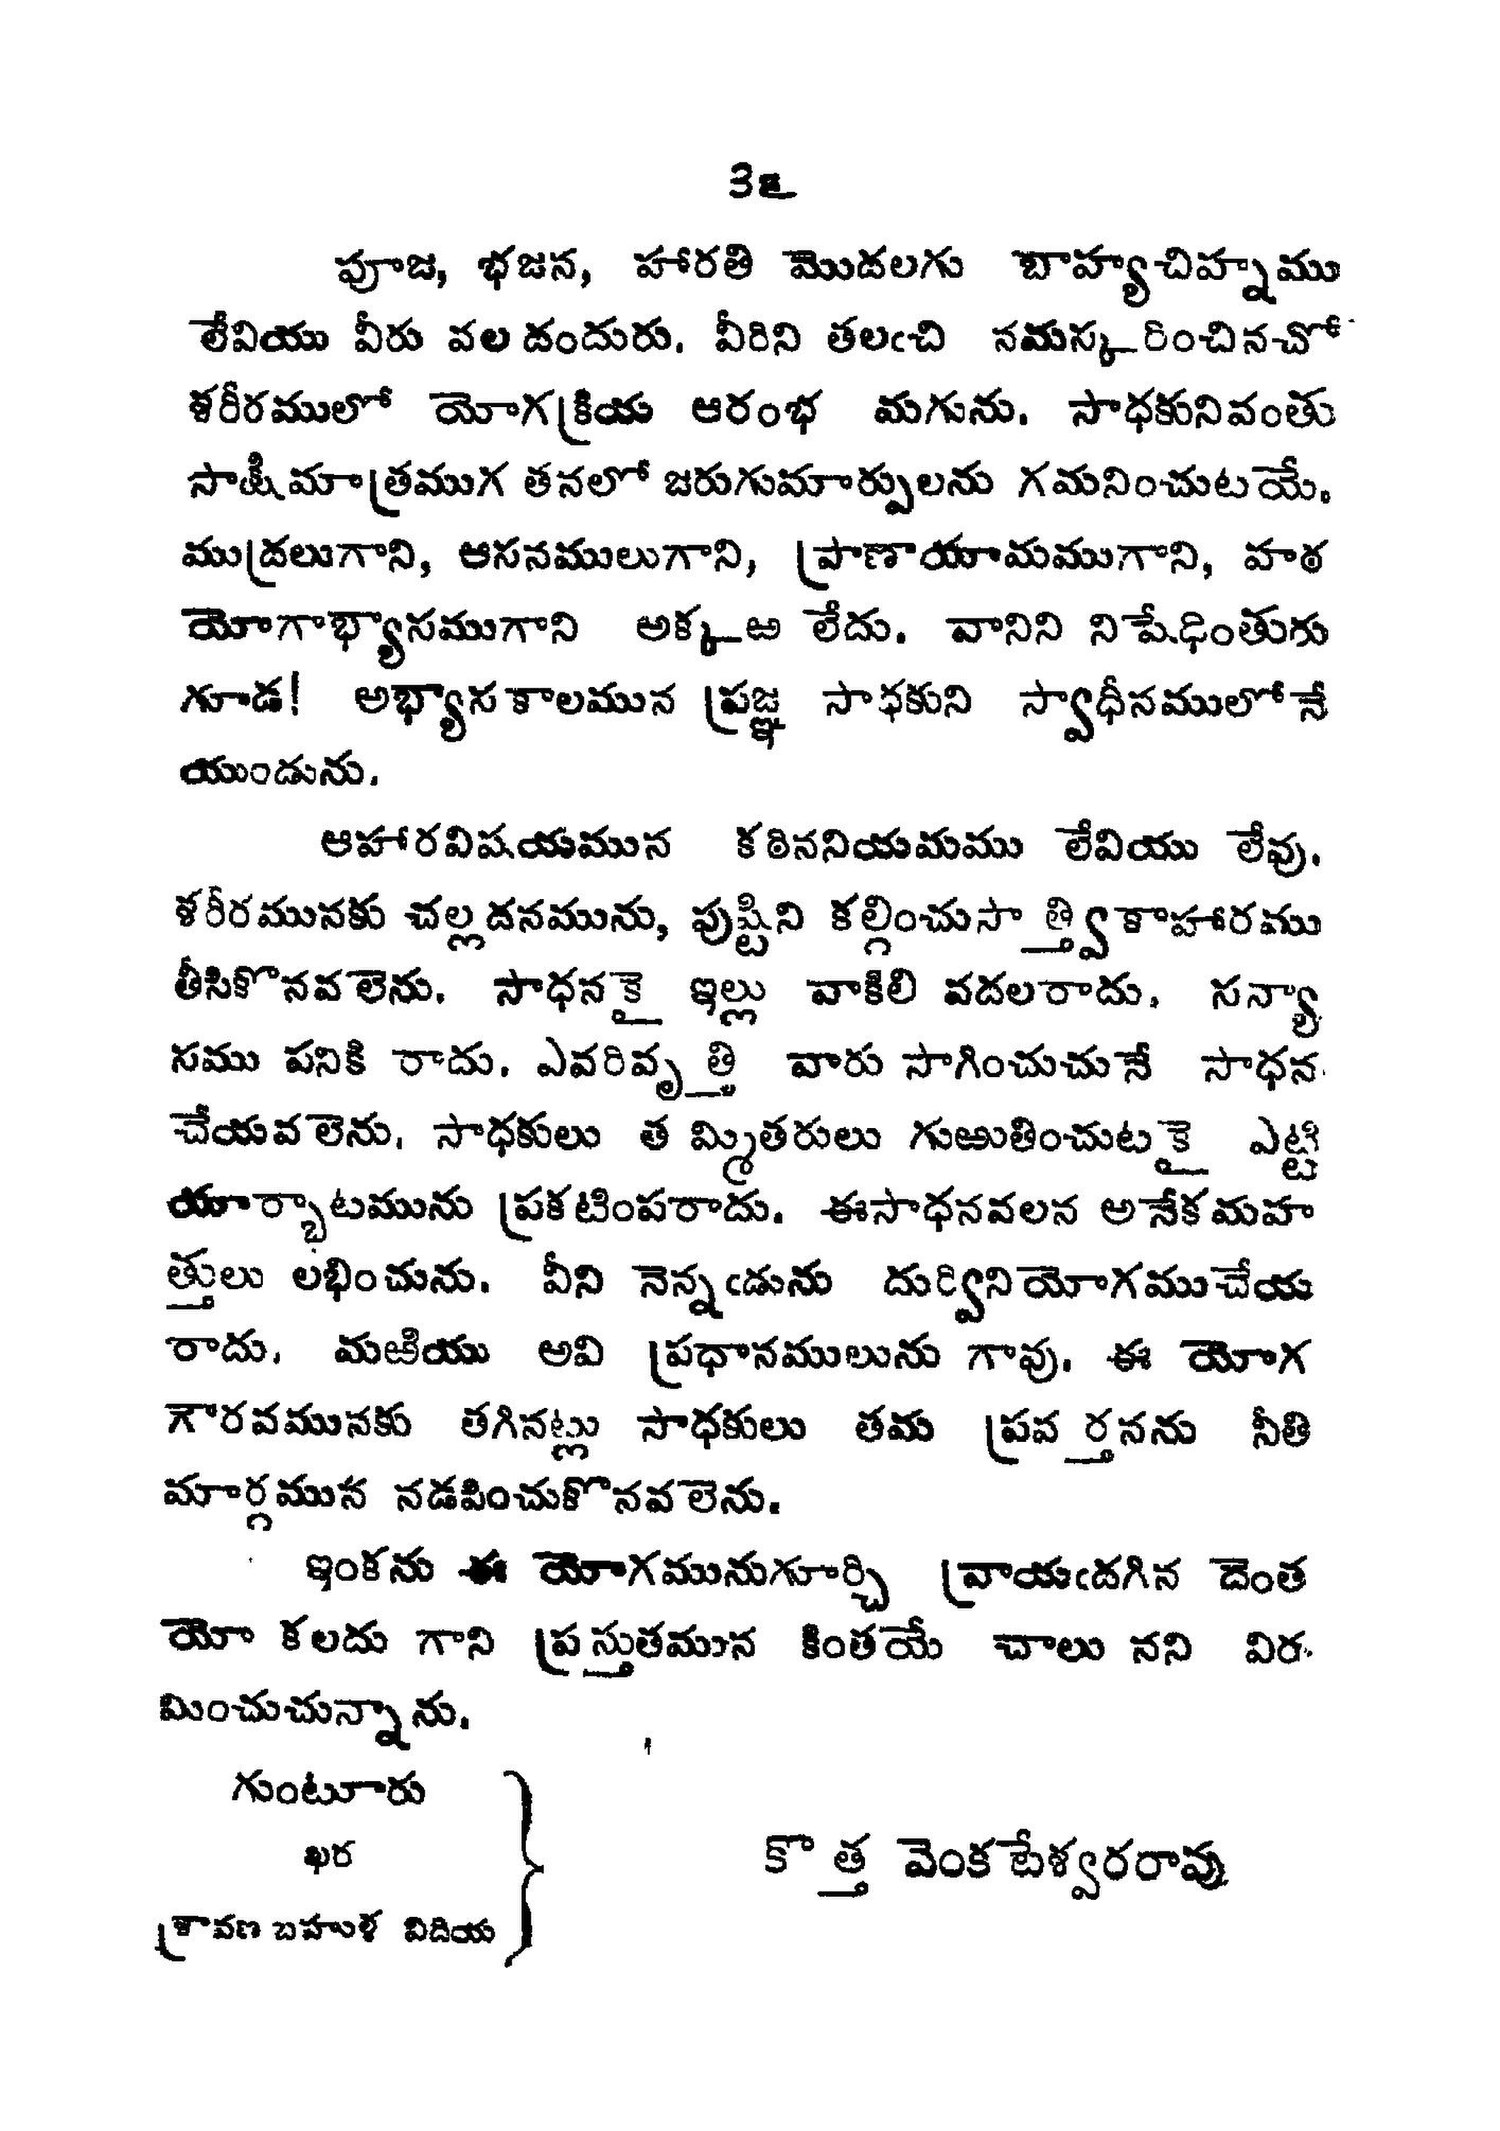పూజ, భజన, హారతి మొదలగు బాహ్యచిహ్నము లేవియు వీరు వల దందురు. వీరిని తలఁచి నమస్కరించి నచో శరీరములో యోగక్రియ ఆరంభ మగును. సాధకుని వంతు సాక్షి మాత్రముగ తనలో జరుగుమార్పులను గమనించుటయే. ముద్రలు గాని, ఆసనములుగాని, ప్రాణాయామముగాని, హఠయోగాభ్యాసముగాని అక్కఱ లేదు. వానిని నిషేధింతురు గూడ! అభ్యాసకాలమున ప్రజ్ఞ సాధకుని స్వాధీనములోనే యుండును.

 ఆహారవిషయమున కఠిననియమము లేవియు లేవు శరీరమునకు చల్లదనమును, పుష్టిని కల్గించు సాత్త్వి కాహారము తిసికోనవలెను. సాధనకై ఇల్లు వాకిలి వదల రాదు. సన్యాసము పనికి రాదు. ఎవరివృత్తి వారు సాగించుచునే సాధన చేయవలెను. సాధకులు తమ్మితరులు గుఱతించుటకై ఎట్టి యార్భాటమును ప్రకటింపరాదు. ఈ సాధన వలన అనేక మహత్తులు లభించును వీని నెన్నఁ డును దుర్వినియోగము చేయరాదు. మఱియు అవి ప్రధానములును గావు. ఈ యోగగౌరవమునకు తగినట్లు సాధకులు తమ ప్రవర్తనను నీతి మార్గమున నడపించుకొనవలెను.

 ఇంకను ఈ యోగమును గూర్చి వ్రాయఁదగిన దెంతయో కలదు గాని ప్రస్తుతమున కింత యే చాలు నని విర మించుచున్నాను.

 గుంటూరు 
 ఖర కొత్త వెంకటేశ్వరరావు . 
 శ్రావణ బహుళ విదియ